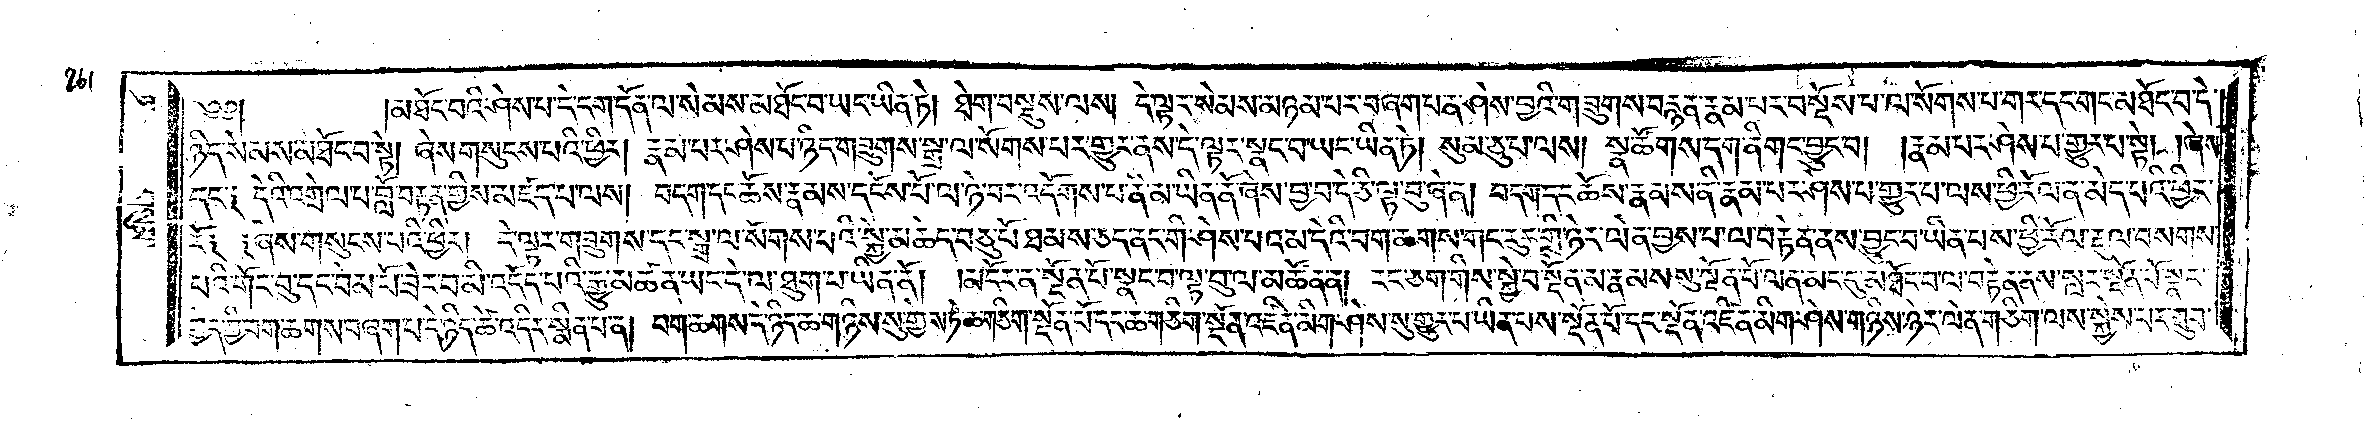༄༅། །མཐོང་བའི་ཤེས་པ་དེ་དག་དོན་ལ་སེམས་མཐོང་བ་ཡང་ཡིན་ཏེ། ཐེག་བསྡུས་ལས། དེ་ལྟར་སེམས་མཉམ་པར་བཞག་པ་ན་ཤེས་བྱའི་གཟུགས་བརྙན་རྣམ་པར་བསྔོས་པ་ལ་སོགས་པ་གར་དང་གང་མཐོང་བ་དེ་
ཉིད་སེམས་མཐོང་བ་སྟེ། ཞེས་གསུངས་པའི་ཕྱིར། རྣམ་པར་ཤེས་པ་ཉིད་གཟུགས་སྒྲ་ལ་སོགས་པར་གྱུར་ནས་དེ་ལྟར་སྣང་བ་ཡང་ཡིན་ཏེ། སུམ་ཅུ་པ་ལས། སྣ་ཚོགས་དག་ནི་གང་བྱུང་བ། །རྣམ་པར་ཤེས་པ་གྱུར་པ་སྟེ། །ཞེས་
དང༑ དེའི་འགྲེལ་པ་བློ་བརྟན་གྱིས་མཛད་པ་ལས། བདག་དང་ཆོས་རྣམས་དངོས་པོ་ལ་ཉེ་བར་འདོགས་པ་ནི་མ་ཡིན་ནོ་ཞེས་བྱ་བ་དེ་ཅི་ལྟ་བུ་ཞེ་ན། བདག་དང་ཆོས་རྣམས་ནི་རྣམ་པར་ཤེས་པ་གྱུར་པ་ལས་ཕྱི་རོལ་ན་མེད་པའི་ཕྱིར་
རོ༑ ༑ཞེས་གསུངས་པའི་ཕྱིར། དེ་ལྟར་གཟུགས་དང་སྒྲ་ལ་སོགས་པའི་སྐྱེ་མཆེད་བཅུ་པོ་ཐམས་ཅད་ནང་གི་ཤེས་པའམ་དེའི་བག་ཆགས་གང་རུང་གིས་ཉེར་ལེན་བྱས་པ་ལ་བརྟེན་ནས་བྱུང་བ་ཡིན་པས་ཕྱི་རོལ་རྡུལ་བསགས་
པའི་གོང་བུ་དང་བེམ་པོ་ཟེར་བ་མི་འདོད་པའི་རྒྱུ་མཚན་ཡང་དེ་ལ་ཐུག་པ་ཡིན་ནོ། །མདོར་ན་སྔོན་པོ་སྣང་བ་ལྟ་བུ་ལ་མཚོན་ན། རང་ཅག་གིས་སྐྱེ་བ་སྔོན་མ་རྣམས་སུ་སྔོན་པོ་ལན་མང་དུ་མཐོང་བ་ལ་བརྟེན་ནས་སླར་སྔོན་པོ་སྣང་
བྱེད་ཀྱི་བག་ཆགས་བཞག་པ་དེ་ཉིད་ཚེ་འདིར་སྨིན་པ་ན། བག་ཆགས་དེ་ཉིད་ཆ་གཉིས་སུ་གྱེས་ཏེ་ཆ་གཅིག་སྔོན་པོ་དང་ཆ་གཅིག་སྔོན་འཛིན་མིག་ཤེས་སུ་གྱུར་པ་ཡིན་པས་སྔོན་པོ་དང་སྔོན་འཛིན་མིག་ཤེས་གཉིས་ཉེར་ལེན་གཅིག་ལས་སྐྱེས་པར་གྲུབ་